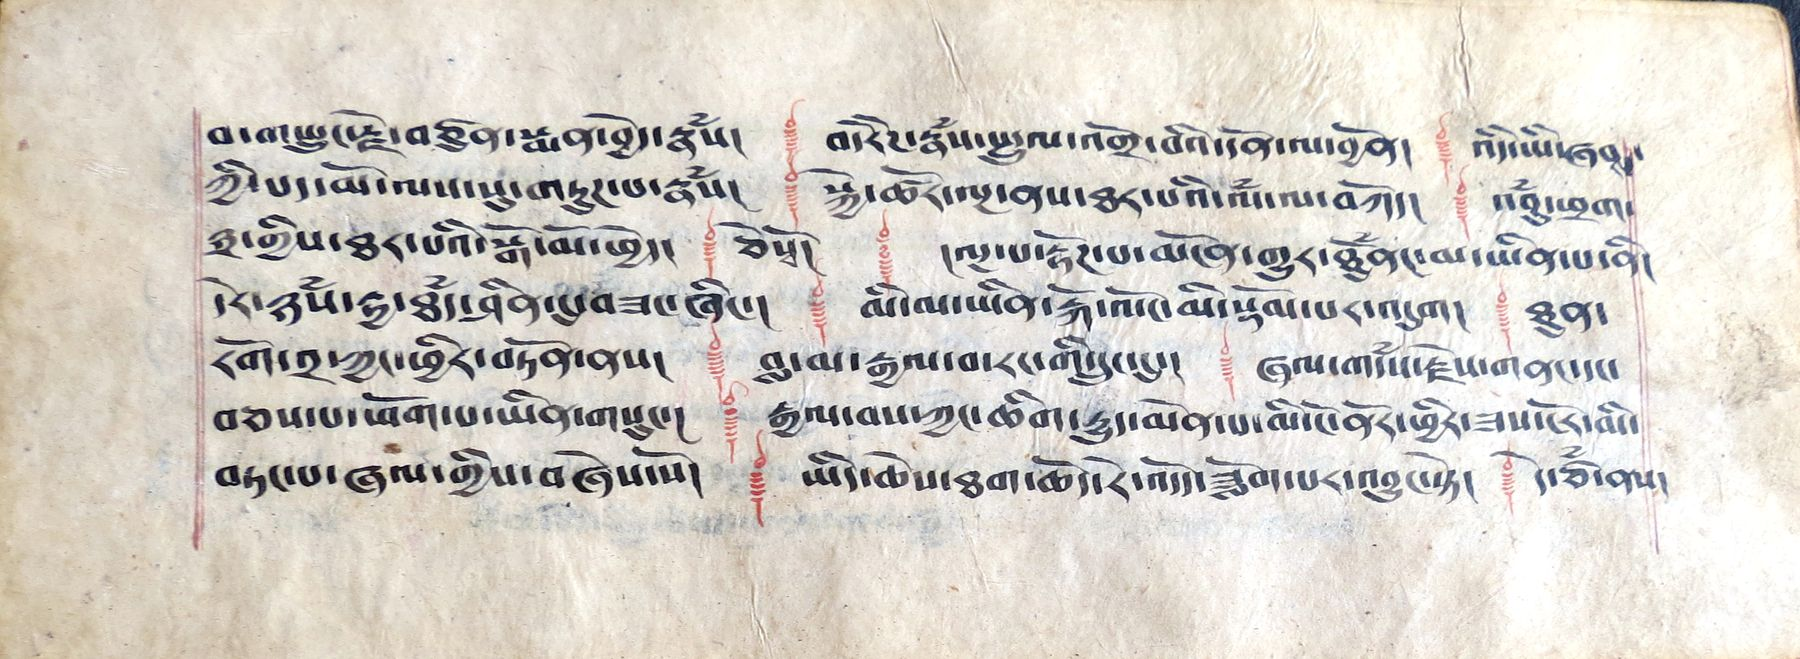བ་གཡུང་དྲུང་རྗེ་བཙུན་སྨན་བྱེད་རྣམས། བདེར་གཤེགས་རྣམ་སྤྲུལ་འགྲོ་བའི་དོན་ལ་བྱོན། འདིའི་ཞབས་
ཀྱི་པད་མོ་ལ་སུ་གཏུག་པ་རྣམས། སྐྱེ་ཚོགས་ལྔ་ནས་ཐར་པའི་ལམ་ལ་བཀོད། འབུམ་ཕྲག་
གསུམ་གྱི་ཐར་པའི་སྒོ་མོ་ཕྱེད། ། ཅེས་སོ། ། ལྔ་པ་རྟོགས་པ་མངོན་གྱུར་ཐུན་མོང་མ་ཡིན་པ་ནི། 
དེར་ཉམས་རྟགས་ཐམས་ཅད་ཤིན་ཏུ་བཟང་ཞིང་། མི་མ་ཡིན་གྱིས་རྐོ་ལོང་མི་སྡོམ་པར་འདུག ཐུན་
རོགས་གཉིས་ཀྱང་ཕྱིར་བཏོན་ནས། བླ་མ་རྒྱལ་བ་རང་གི་དྲུང་དུ། ཞལ་གདམས་རྗེས་གནང་དང་
བཅས་པ་ཕོག་པ་ཡིན་གསུངས། རྒྱལ་བས་ཀྱང་གཅིག་བརྒྱུད་ཡིན་པས་མི་ངོ་ནོར་ཕྱིར་མི་
གཏོང་བར་ཞལ་གྱིས་བཞེས་སོ། ། ཡིད་ཆེས་ཐག་ཆོག་རེ་འདོད་ལྡོག་པར་བྱུང་སྟེ། དེ་ཙམ་ནས་